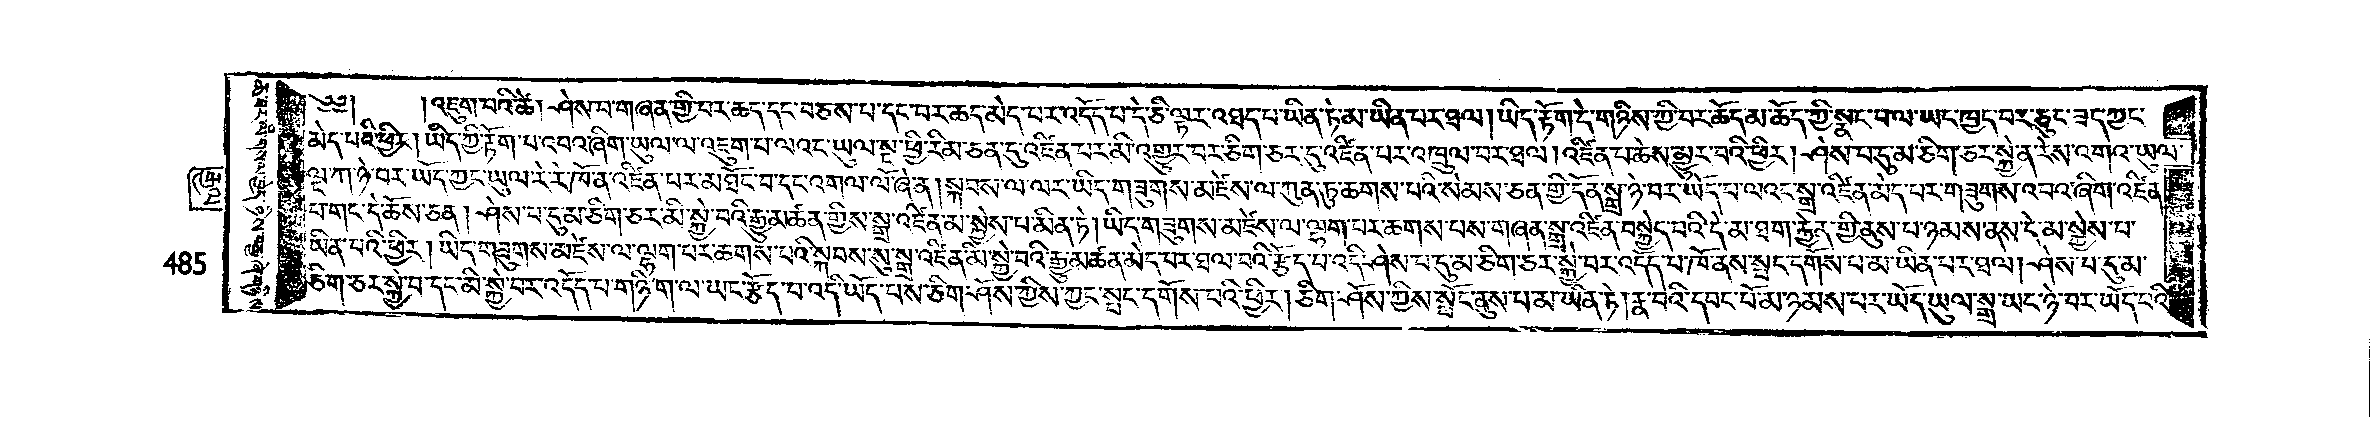༄༅། །འཇུག་པའི་ཚེ། ཤེས་པ་གཞན་གྱི་བར་ཆད་དང་བཅས་པ་དང་བར་ཆད་མེད་པར་འདོད་པ་དེ་ཅི་ལྟར་འཐད་པ་ཡིན་ཏེ་མ་ཡིན་པར་ཐལ། ཡིད་རྟོག་དེ་གཉིས་ཀྱི་བར་ཆོད་མ་ཆོད་ཀྱི་སྣང་བ་ལ་ཡང་ཁྱད་པར་ཅུང་ཟད་ཀྱང་
མེད་པའི་ཕྱིར། ཡིད་ཀྱི་རྟོག་པ་འབའ་ཞིག་ཡུལ་ལ་འཇུག་པ་ལའང་ཡུལ་སྔ་ཕྱི་རིམ་ཅན་དུ་འཛིན་པར་མི་འགྱུར་བར་ཅིག་ཅར་དུ་འཛིན་པར་འཁྲུལ་པར་ཐལ། འཛིན་པ་ཆེས་མྱུར་བའི་ཕྱིར། ཤེས་པ་དུ་མ་ཅིག་ཅར་སྐྱེ་ན་རེས་འགའ་ཡུལ་
ལྔ་ཀ་ཉེ་བར་ཡོད་ཀྱང་ཡུལ་རེ་རེ་ཁོ་ན་འཛིན་པར་མཐོང་བ་དང་འགལ་ལོ་ཞེ་ན། སྐབས་ལ་ལར་ཡིད་གཟུགས་མཛེས་ལ་ཀུན་ཏུ་ཆགས་པའི་སེམས་ཅན་གྱི་དོན་སྒྲ་ཉེ་བར་ཡོད་པ་ལའང་སྒྲ་འཛིན་མེད་པར་གཟུགས་འབའ་ཞིག་འཛིན་
པ་གང་དེ་ཆོས་ཅན། ཤེས་པ་དུ་མ་ཅིག་ཅར་མི་སྐྱེ་བའི་རྒྱུ་མཚན་གྱིས་སྒྲ་འཛིན་མ་སྐྱེས་པ་མིན་ཏེ། ཡིད་གཟུགས་མཛེས་ལ་ལྷག་པར་ཆགས་པས་གཞན་སྒྲ་འཛིན་བསྐྱེད་པའི་དེ་མ་ཐག་རྐྱེན་གྱི་ནུས་པ་ཉམས་ནས་དེ་མ་སྐྱེས་པ་
ཡིན་པའི་ཕྱིར། ཡིད་གཟུགས་མཛེས་ལ་ལྷག་པར་ཆགས་པའི་སྐབས་སུ་སྒྲ་འཛིན་མི་སྐྱེ་བའི་རྒྱུ་མཚན་མེད་པར་ཐལ་བའི་རྩོད་པ་འདི་ཤེས་པ་དུ་མ་ཅིག་ཅར་སྐྱེ་བར་འདོད་པ་ཁོ་ནས་སྤང་དགོས་པ་མ་ཡིན་པར་ཐལ། ཤེས་པ་དུ་མ་
ཅིག་ཅར་སྐྱེ་བ་དང་མི་སྐྱེ་བར་འདོད་པ་གཉི་ག་ལ་ཡང་རྩོད་པ་འདི་ཡོད་པས་ཅིག་ཤོས་ཀྱིས་ཀྱང་སྤང་དགོས་པའི་ཕྱིར། ཅིག་ཤོས་ཀྱིས་སྤོང་ནུས་པ་མ་ཡིན་ཏེ། རྣ་བའི་དབང་པོ་མ་ཉམས་པར་ཡོད་ཡུལ་སྒྲ་ཡང་ཉེ་བར་ཡོད་པའི་